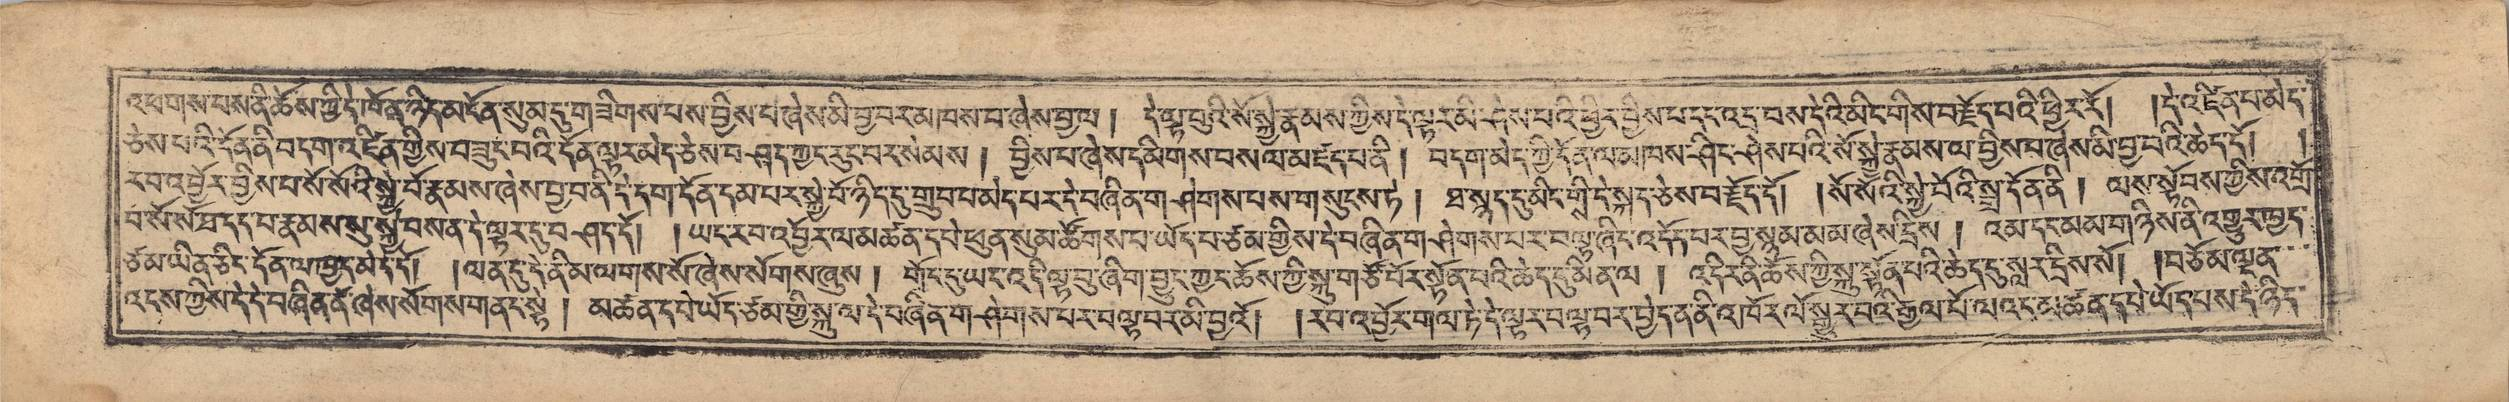འཕགས་པས་ནི་ཆོས་ཀྱི་དེ་ཁོ་ན་ཉིད་མངོན་སུམ་དུ་གཟིགས་པས་བྱིས་པ་ཞེས་མི་བྱ་བར་མཁས་པ་ཞེས་བྱ་ལ། དེ་ལྟ་བུའི་སོ་སྐྱེ་རྣམས་ཀྱིས་དེ་ལྟར་མི་ཤེས་པའི་ཕྱིར་བྱིས་པ་དང་འདྲ་བས་དེའི་མིང་གིས་བརྗོད་པའི་ཕྱིར་རོ། །དེ་འཛིན་པ་མེད་
ཅེས་པའི་དོན་ནི་བདག་འཛིན་གྱིས་བཟུང་བའི་དོན་ལྟར་མེད་ཅེས་བཤད་ཀྱང་རུང་བར་སེམས། བྱིས་པ་ཞེས་དམིགས་བསལ་མཛད་པ་ནི། བདག་མེད་ཀྱི་དོན་ལ་མཁས་ཤིང་ཤེས་པའི་སོ་སྐྱེ་རྣམས་ལ་བྱིས་པ་ཞེས་མི་བྱ་བའི་ཆེད་དོ། །
རབ་འབྱོར་བྱིས་པ་སོ་སོའི་སྐྱེ་བོ་རྣམས་ཞེས་བྱ་བ་ནི་དེ་དག་དོན་དམ་པར་སྐྱེ་བོ་ཉིད་དུ་གྲུབ་པ་མེད་པར་དེ་བཞིན་གཤེགས་པས་གསུངས་ཏེ། ཐ་སྙད་དུ་མིང་གིས་དེ་སྐད་ཅེས་བརྗོད་དོ། །སོ་སོའི་སྐྱེ་བོའི་སྒྲ་དོན་ནི། ལས་སྟོབས་ཀྱིས་འགྲོ་
བ་སོ་སོ་ཐ་དད་པ་རྣམས་སུ་སྐྱེ་བས་ན་དེ་ལྟར་དུ་བཤད་དོ། །ཡང་རབ་འབྱོར་ལ་མཚན་དཔེ་ཕུན་སུམ་ཚོགས་པ་ཡོད་པ་ཙམ་གྱིས་དེ་བཞིན་གཤེགས་པར་བལྟ་ཞིང་འདོད་པར་བྱ་སྙམ་མམ་ཞེས་དྲིས། འམ་དང་མམ་གཉིས་ནི་འགྱུར་ཁྱད་
ཙམ་ཡིན་ཅིང་དོན་ལ་ཁྱད་མེད་དོ། །ལན་དུ་དེ་ནི་མ་ལགས་སོ་ཞེས་སོགས་ཞུས། གོང་དུ་ཡང་འདི་ལྟ་བུ་ཞིག་བྱུང་ཀྱང་ཆོས་ཀྱི་སྐུ་གཙོ་བོར་སྟོན་པའི་ཆེད་དུ་མིན་ལ། འདིར་ནི་ཆོས་ཀྱི་སྐུ་སྟོན་པའི་ཆེད་དུ་སླར་དྲིས་སོ། །བཅོམ་ལྡན་
འདས་ཀྱིས་དེ་དེ་བཞིན་ནོ་ཞེས་སོགས་གནང་སྟེ། མཚན་དཔེ་ཡོད་ཙམ་གྱི་སྐུ་ལ་དེ་བཞིན་གཤེགས་པར་བལྟ་བར་མི་བྱའོ། །རབ་འབྱོར་གལ་ཏེ་དེ་ལྟར་བལྟ་བར་བྱེད་ན་ནི་འཁོར་ལོ་སྒྱུར་བའི་རྒྱལ་པོ་ལའང་མཚན་དཔེ་ཡོད་པས་དེ་ཉིད་